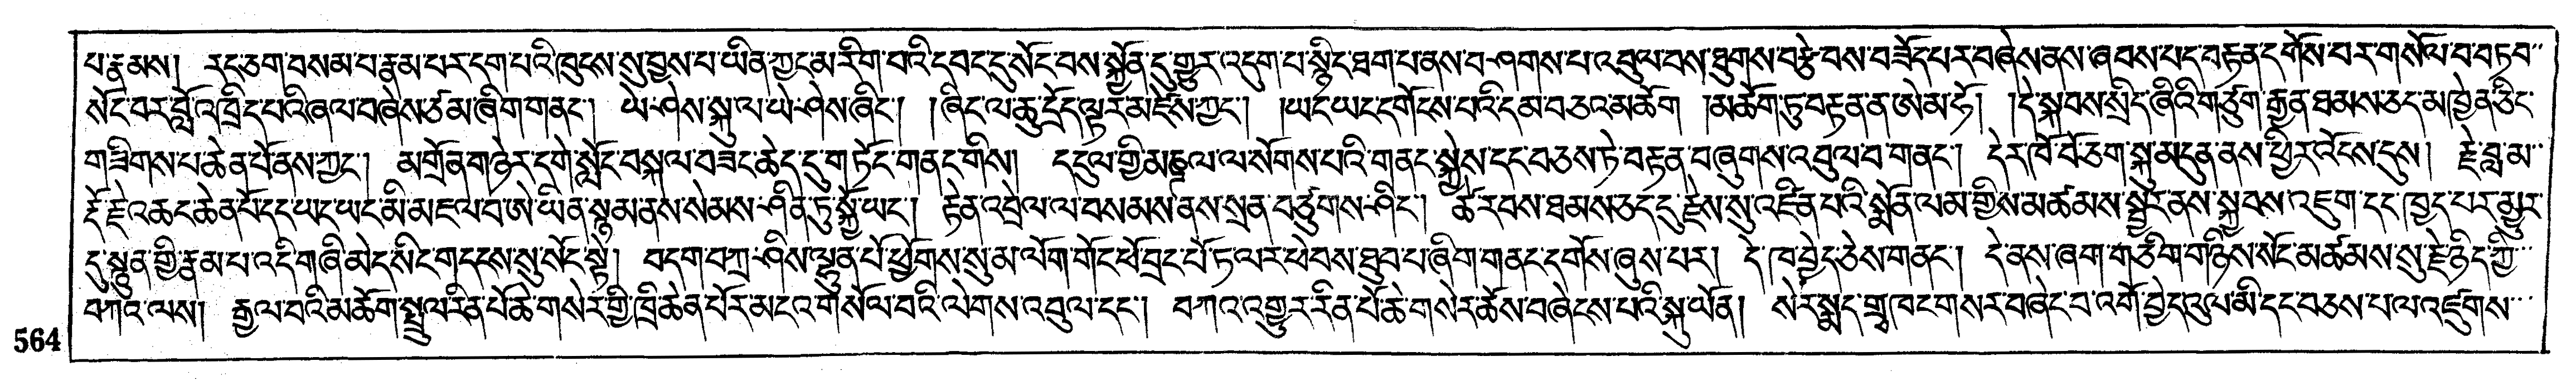བ་རྣམས། རང་ཅག་བསམ་བ་རྣམ་པར་དག་པའི་ཁུངས་སུ་བྱས་པ་ཡིན་ཀྱང་མ་རིག་པའི་དབང་དུ་སོང་བས་སྐྱོན་དུ་གྱུར་འདུག་པ་སྙིང་ཐག་པ་ནས་བཤགས་པ་འབུལ་བས་ཐུགས་བརྩེ་བས་བཟོད་པར་བཞེས་ནས་ཞབས་པད་བརྟན་དགོས་པར་གསོལ་བ་བཏབ་
སོང་བར་བློ་འཁྲིད་པའི་ཞལ་བཞེས་ཙམ་ཞིག་གནང་། ཡེ་ཤེས་སྐུ་ལ་ཡེ་ཤེས་ཞིང་། །ཞིང་ལ་ཆུ་དྲོད་ལྟར་མཛེས་ཀྱང་། །ཡང་ཡང་དགོངས་པའི་དམ་བཅའ་མཆོག །མཆོག་ཏུ་བརྟན་ན་ཨེ་མ་ཧོ། །དེ་སྐབས་སྲིད་ཞིའི་གཙུག་རྒྱན་ཐམས་ཅད་མཁྱེན་ཅིང་
གཟིགས་པ་ཆེན་པོ་ནས་ཀྱང་། མགྲོན་གཉེར་དགེ་སློང་བསྐལ་བཟང་ཆེད་དུ་གཏོང་གནང་གིས། དངུལ་གྱི་མཎྜལ་ལ་སོགས་པའི་གནང་སྐྱེས་དང་བཅས་ཏེ་བརྟན་བཞུགས་འབུལ་བ་གནང་། དེར་ཁོ་བོ་ཅག་སྐུ་མདུན་ནས་ཕྱིར་འོངས་དུས། རྗེ་བླ་མ་
རྡོ་རྗེ་འཆང་ཆེན་པོ་ངང་ཡང་ཡང་མི་མཇལ་བ་ཨེ་ཡིན་སྙམ་ནས་སེམས་ཤིན་ཏུ་སྐྱོ་ཡང་། རྟེན་འབྲེལ་ལ་བསམས་ནས་སྲན་བཙུགས་ཤིང་། ཚེ་རབས་ཐམས་ཅད་དུ་རྗེས་སུ་འཛིན་བའི་སྨོན་ལམ་གྱིས་མཚམས་སྦྱར་ནས་སྐྱབས་འཇུག་ངང་ཁྱད་པར་མྱུར་
དུ་སྙུན་གྱི་རྣམ་པ་འདི་གཞི་མེད་སིང་གདངས་སུ་སོང་སྟེ། བདག་བཀྲ་ཤིས་ལྷུན་པོ་ཕྱོགས་སུ་མ་ལོག་གོང་ཕོ་བྲང་པོ་ཏ་ལར་ཕེབས་ཐུབ་པ་ཞིག་གནང་དགོས་ཞུས་པར། དེ་ཁ་བྱེད་ཅེས་གནང་། དེ་ནས་ཞག་གཅིག་གཉིས་སོང་མཚམས་སུ་རྗེ་ཉིད་ཀྱི་
བཀའ་ལས། རྒྱལ་བའི་མཆོག་སྤྲུལ་རིན་པོ་ཆེ་གསེར་གྱི་ཁྲི་ཆེན་པོར་མངའ་གསོལ་བའི་ལེགས་འབུལ་དང་། བཀའ་འགྱུར་རིན་པོ་ཆེ་གསེར་ཆོས་བཞེངས་པའི་སྐུ་ཡོན། སེར་སྨད་གྲྭ་ཁང་གསར་བཞེང་བ་འགོ་བྱེད་འུལ་མི་དང་བཅས་པ་ལ་འཛུགས་